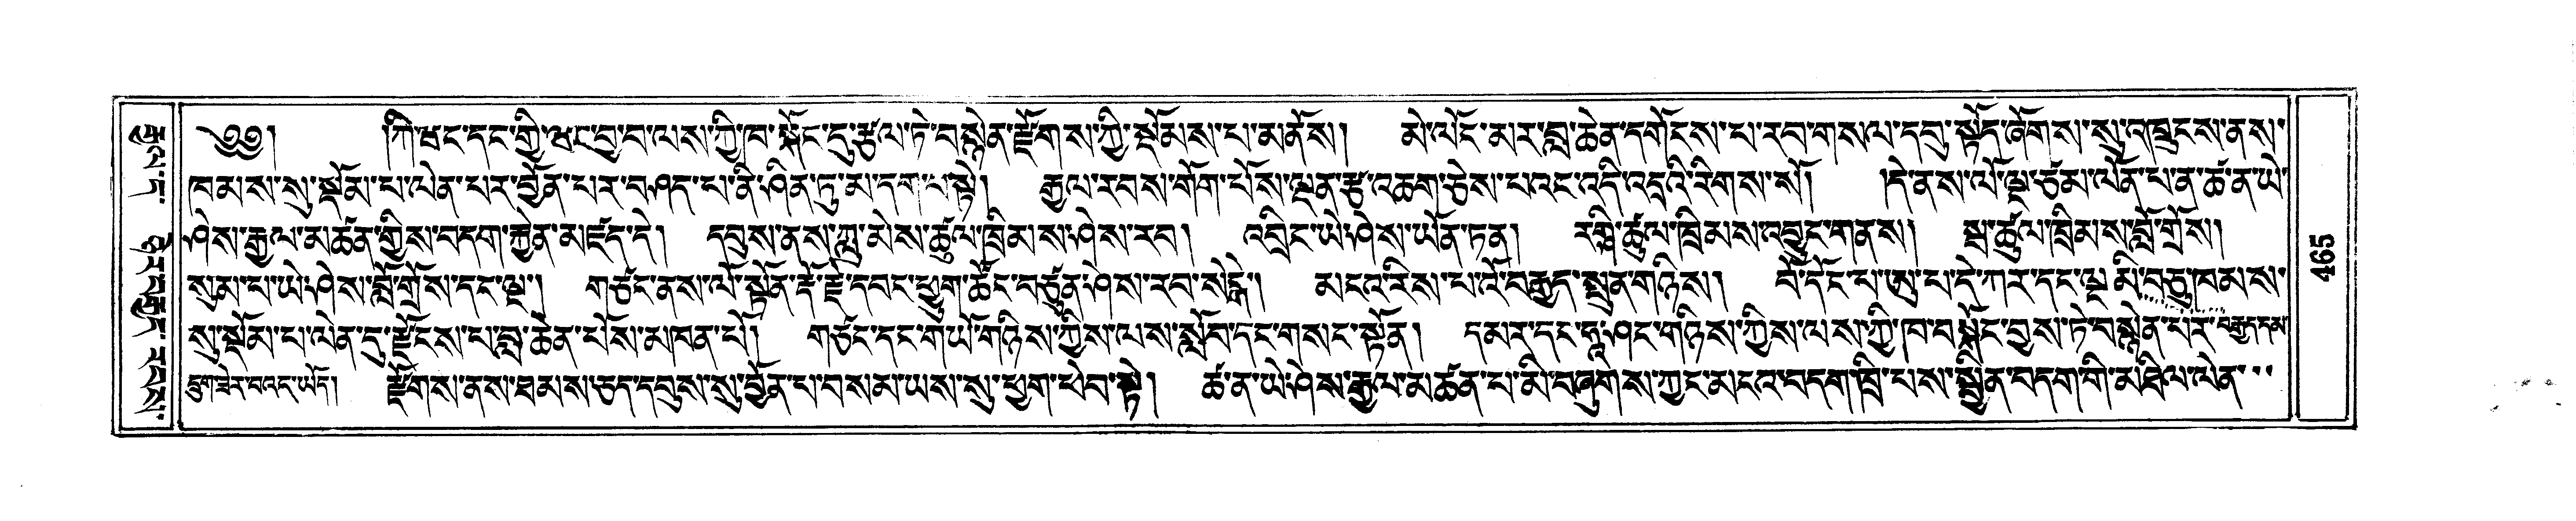༄༅། །ཀི་ཝང་དང་གྱི་ཝང་བྱ་བ་ལས་ཀྱི་ཁ་སྐོང་དུ་རྩལ་ཏེ་བསྙེན་རྫོགས་ཀྱི་སྡོམས་པ་མནོས། མེ་ལོང་མར་བླ་ཆེན་དགོངས་པ་རབ་གསལ་དབུ་སྟོད་ཞོགས་སུ་འཁྲུངས་ནས་
ཁམས་སུ་སྡོམ་པ་ལེན་པར་བྱོན་པར་བཤད་པ་ནི་ཤིན་ཏུ་མ་དག་པ་སྟེ། རྒྱལ་རབས་གོག་པོས་ལྡན་རྩ་འཆག་ཅེས་པའང་འདི་འདྲའི་རིགས་སོ། །དེ་ནས་ལོ་ལྔ་ཙམ་ལོན་པ་ན་ཚ་ན་ཡེ་
ཤེས་རྒྱལ་མཚན་གྱིས་བདག་རྐྱེན་མཛད་དེ། དབུས་ནས་ཀླུ་མེས་ཚུལ་ཁྲིམས་ཤེས་རབ། འབྲིང་ཡེ་ཤེས་ཡོན་ཏན། རགཤི་ཚུལ་ཁྲིམས་འབྱུང་གནས། སྦ་ཚུལ་ཁྲིམས་བློ་གྲོས།
སུམ་པ་ཡེ་ཤེས་བློ་གྲོས་དང་ལྔ། གཙང་ནས་ལོ་སྟོན་རྡོ་རྗེ་དབང་ཕྱུག་ཚོང་བཙུན་ཤེས་རབ་སེངྒེ། མངའ་རིས་པ་འོ་བརྒྱད་སྤུན་གཉིས། བོ་དོང་པ་ཨུ་པ་དེ་ཀར་དང་ལྔ་མི་བཅུ་ཁམས་
སུ་སྡོམ་པ་ལེན་དུ་རྫོངས་པ་བླ་ཆེན་པོས་མཁན་པོ། གཙང་དང་གཡོ་གཉིས་ཀྱིས་ལས་སློབ་དང་གསང་སྟོན། དམར་དང་ཧཱ་ཤང་གཉིས་ཀྱིས་ལས་ཀྱི་ཁ་བསྐོང་བྱས་ཏེ་བསྙེན་པར་བརྒྱད་དམ་
དྲུག་ཟེར་བའང་ཡོད། རྫོགས་ནས་ཐམས་ཅད་དབུས་སུ་བྱོན་པ་བསམ་ཡས་སུ་ཕྱག་ཕེབ་སྟེ། ཚ་ན་ཡེ་ཤེས་རྒྱལ་མཚན་པ་མི་བཞུགས་ཀྱང་མངའ་བདག་ཁྲི་པས་སྦྱིན་བདག་གི་མཐིལ་ལེན་